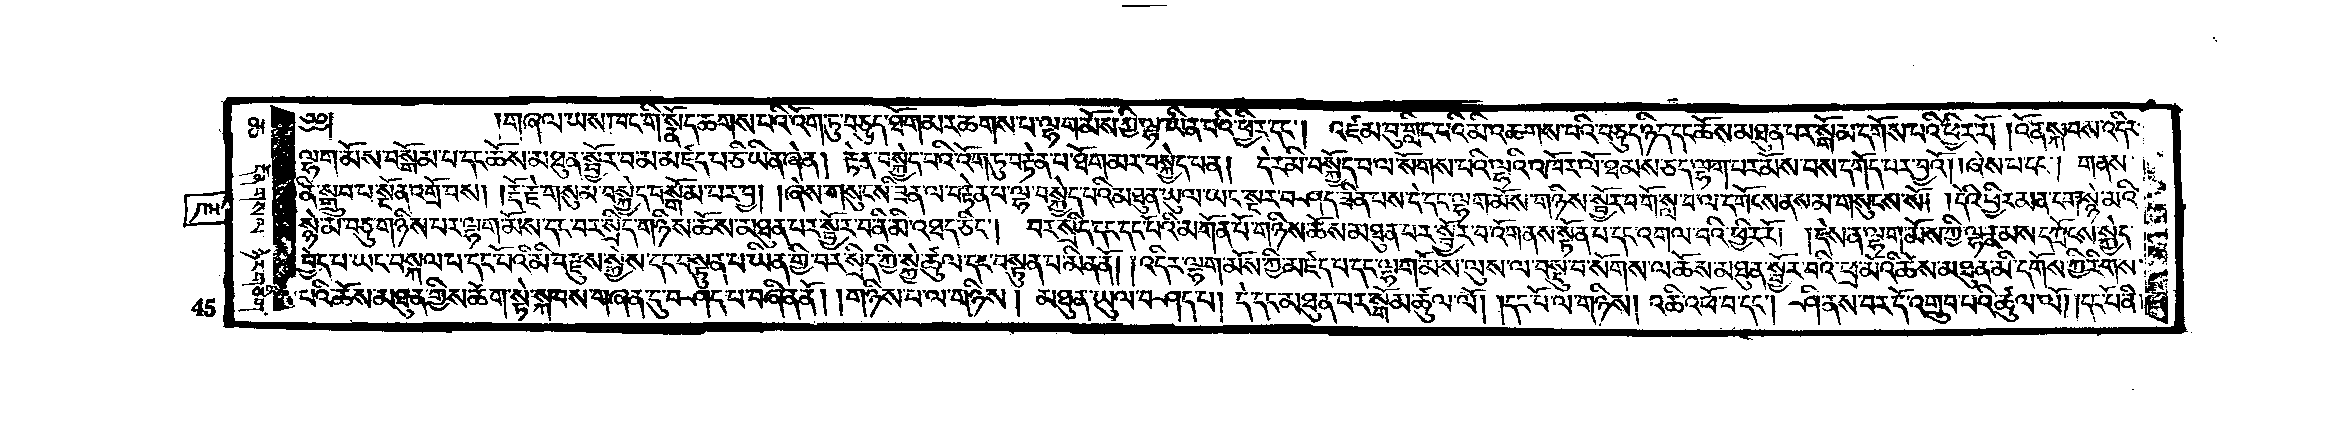༄༅། །གཞལ་ཡས་ཁང་གི་སྣོད་ཆགས་པའི་འོག་ཏུ་བཅུད་ཐོག་མར་ཆགས་པ་ལྷག་མོས་ཀྱི་ལྷ་ཡིན་པའི་ཕྱིར་དང་། འཛམ་བུ་གླིང་པའི་མི་འཆགས་པའི་བཅུད་ཉིད་དང་ཆོས་མཐུན་པར་སྒོམ་དགོས་པའི་ཕྱིར་རོ། །འོ་ན་སྐབས་འདིར་
ལྷག་མོས་བསྒོམ་པ་དང་ཆོས་མཐུན་སྦྱོར་བ་མ་མཛད་པ་ཅི་ཡིན་ཞེ་ན། རྟེན་བསྐྱེད་པའི་འོག་ཏུ་བརྟེན་པ་ཐོག་མར་བསྐྱེད་པ་ན། དེར་མི་བསྐྱོད་པ་ལ་སོགས་པའི་ལྷའི་འཁོར་ལོ་ཐམས་ཅད་ལྷག་པར་མོས་པས་དགོད་པར་བྱའོ། །ཞེས་པ་དང་། གནས་
ནི་སྒྲུབ་པ་སྔོན་འགྲོ་བས། །རྡོ་རྗེ་གསུམ་བསྐྱེད་བསྒོམ་པར་བྱ། །ཞེས་གསུངས་ཟིན་ལ་བརྟེན་པ་ལྷ་བསྐྱེད་པའི་མཐུན་ཡུལ་ཡང་སྔར་བཤད་ཟིན་པས་དེ་དང་ལྷག་མོས་གཉིས་སྦྱོར་བ་གོ་སླ་བ་ལ་དགོངས་ནས་མ་གསུངས་སོ། །དེའི་ཕྱིར་མན་ངག་སྙེ་མའི་
སྙེ་མ་བཅུ་གཉིས་པར་ལྷག་མོས་དང་བར་སྲིད་གཉིས་ཆོས་མཐུན་པར་སྦྱོར་བ་ནི་མི་འཐད་ཅིང་། བར་སྲིད་དང་དང་པོའི་མགོན་པོ་གཉིས་ཆོས་མཐུན་པར་སྦྱོར་བ་འོག་ནས་སྟོན་པ་དང་འགལ་བའི་ཕྱིར་རོ། །དེས་ན་ལྷག་མོས་ཀྱི་ལྷ་རྣམས་དཀྲོངས་སྐྱེད་
བྱེད་པ་ཡང་བསྐལ་པ་དང་པོའི་མི་བརྫུས་སྐྱེས་དང་བསྟུན་པ་ཡིན་གྱི་བར་སྲིད་ཀྱི་སྐྱེ་ཚུལ་དང་བསྟུན་པ་མིན་ནོ། །འདིར་ལྷག་མོས་ཀྱི་མཛད་པ་དང་ལྷག་མོས་ལུས་ལ་བསྡུ་བ་སོགས་ལ་ཆོས་མཐུན་སྦྱོར་བའི་ཕྲ་མོའི་ཆོས་མཐུན་མི་དགོས་ཀྱི་རགས་
པའི་ཆོས་མཐུན་གྱིས་ཆོག་སྟེ་སྐབས་གཞན་དུ་བཤད་པ་བཞིན་ནོ། །གཉིས་པ་ལ་གཉིས། མཐུན་ཡུལ་བཤད་པ། དེ་དང་མཐུན་པར་སྒོམ་ཚུལ་ལོ། །དང་པོ་ལ་གཉིས། འཆི་འཕོ་བ་དང་། ཤི་ནས་བར་དོ་འགྲུབ་པའི་ཚུལ་ལོ། །དང་པོ་ནི།